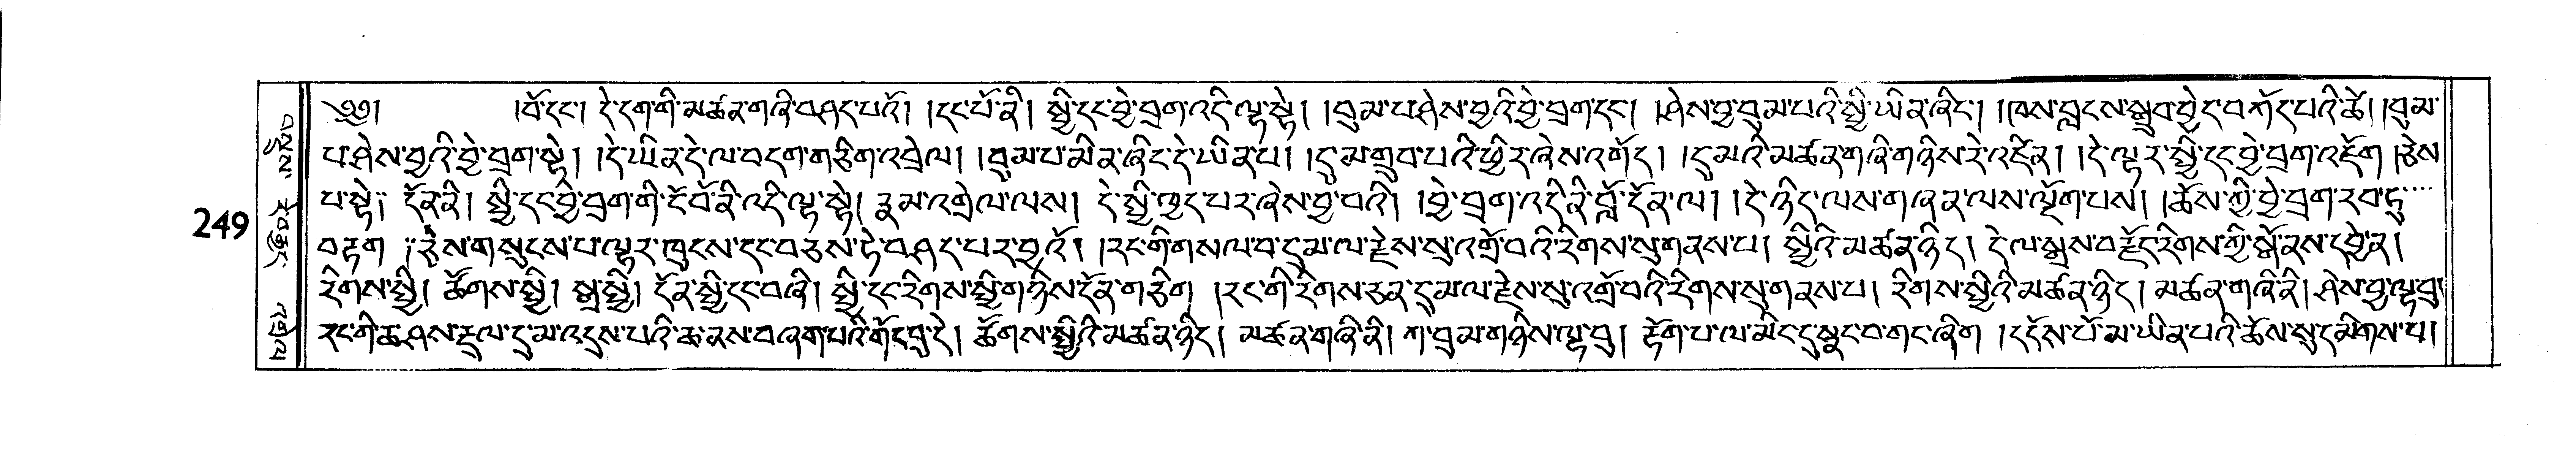༄༅། །བོ་དང་། དེ་དག་གི་མཚན་གཞི་བཤད་པའོ། །དང་པོ་ནི། སྤྱི་དང་བྱེ་བྲག་འདི་ལྟ་སྟེ། །བུམ་པ་ཤེས་བྱའི་བྱེ་བྲག་དང་། །ཤེས་བྱ་བུམ་པའི་སྤྱི་ཡིན་ཞིང་། །ཁས་བླངས་སྒྲུབ་བྱེད་བཀོད་པའི་ཚེ། །བུམ་
པ་ཤེས་བྱའི་བྱེ་བྲག་སྟེ། །དེ་ཡིན་དེ་ལ་བདག་གཅིག་འབྲེལ། །བུམ་པ་མིན་ཞིང་དེ་ཡིན་པ། །དུ་མ་གྲུབ་པའི་ཕྱིར་ཞེས་འགོད། །དུ་མའི་མཚན་གཞི་གཉིས་རེ་འཛིན། །དེ་ལྟར་སྤྱི་དང་བྱེ་བྲག་འཇོག །ཅེས་
པ་སྟེ༑ དོན་ནི། སྤྱི་དང་བྱེ་བྲག་གི་ངོ་བོ་ནི་འདི་ལྟ་སྟེ། རྣམ་འགྲེལ་ལས། དེ་སྤྱི་ཁྱད་པར་ཞེས་བྱ་བའི། །བྱེ་བྲག་འདི་ནི་བློ་དོན་ལ། །དེ་ཉིད་ལས་གཞན་ལས་ལྡོག་པས། །ཆོས་ཀྱི་བྱེ་བྲག་རབ་ཏུ་
བརྟག ༑ཅེས་གསུངས་པ་ལྟར་ཁུངས་དང་བཅས་ཏེ་བཤད་པར་བྱའོ། །རང་གི་གསལ་བ་དུ་མ་ལ་རྗེས་སུ་འགྲོ་བའི་རིགས་སུ་གནས་པ། སྤྱིའི་མཚན་ཉིད། དེ་ལ་སྒྲས་བརྗོད་རིགས་ཀྱི་སྒོ་ནས་དབྱེ་ན།
རིགས་སྤྱི། ཚོགས་སྤྱི། སྒྲ་སྤྱི། དོན་སྤྱི་དང་བཞི། སྤྱི་དང་རིགས་སྤྱི་གཉིས་དོན་གཅིག །རང་གི་རིགས་ཅན་དུ་མ་ལ་རྗེས་སུ་འགྲོ་བའི་རིགས་སུ་གནས་པ། རིགས་སྤྱིའི་མཚན་ཉིད། མཚན་གཞི་ནི། ཤེས་བྱ་ལྟ་བུ་
རང་གི་ཆ་ཤས་རྡུལ་དུ་མ་འདུས་པའི་ཆ་ནས་བཞག་པའི་གོང་བུ་དེ། ཚོགས་སྤྱིའི་མཚན་ཉིད། མཚན་གཞི་ནི། ཀ་བུམ་གཉིས་ལྟ་བུ། རྟོག་པ་ལ་མིང་དུ་སྣང་བ་གང་ཞིག །དངོས་པོ་མ་ཡིན་པའི་ཆོས་སུ་དམིགས་པ།